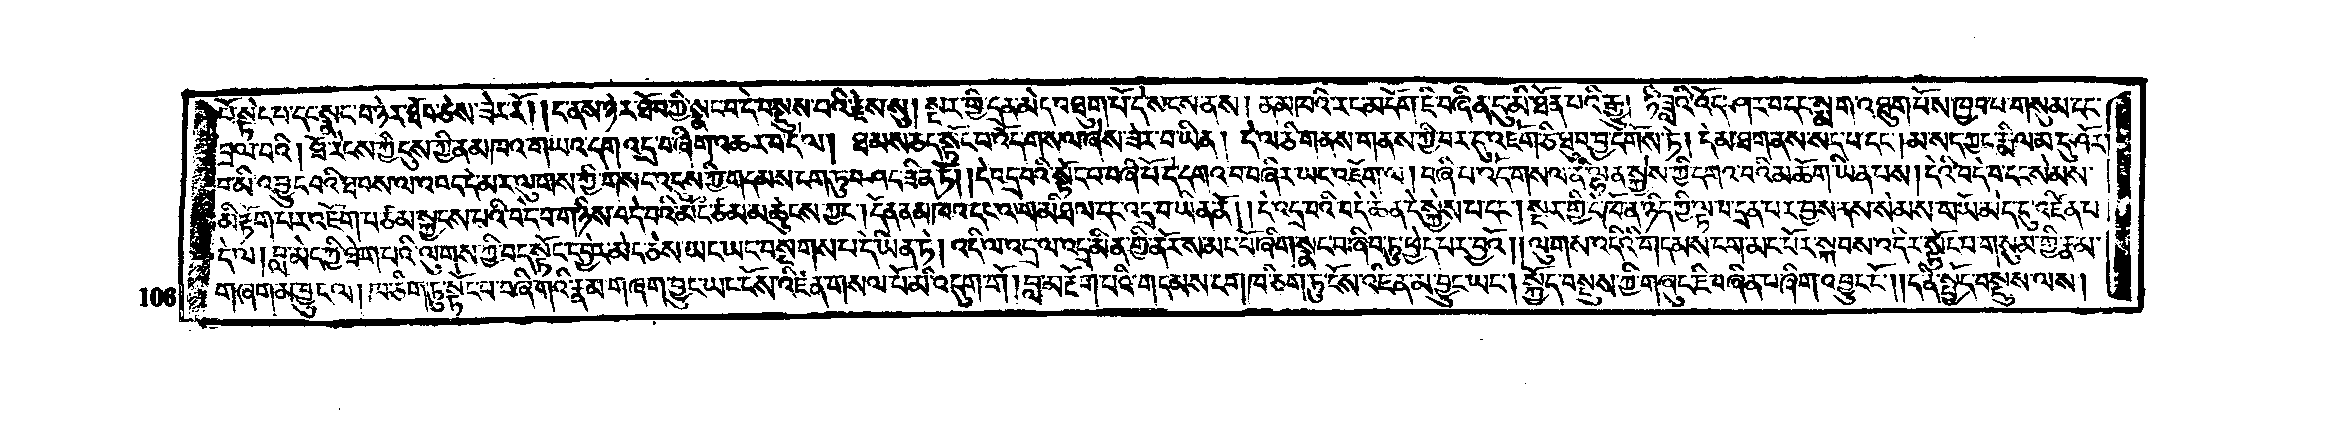པོ་སྟོང་པ་དང་སྣང་བ་ཉེར་ཐོབ་ཅེས་ཟེར་རོ། །དེ་ནས་ཉེར་ཐོབ་ཀྱི་སྣང་བ་དེ་བསྡུས་པའི་རྗེས་སུ། སྔར་གྱི་དྲན་མེད་འཐུག་པོ་དེ་སངས་ནས། ནམ་མཁའི་རང་མདོག་ཇི་བཞིན་དུ་མི་ཐོན་པའི་རྒྱུ། ཉི་ཟླའི་འོད་ཤར་བ་དང་སྨག་འཐུག་པོས་ཁྱབ་པ་གསུམ་དང་
བྲལ་བའི། ཐོ་རེངས་ཀྱི་དུས་ཀྱི་ནམ་མཁའ་གཡའ་དག་འདྲ་བ་ཞིག་འཆར་བ་དེ་ལ། ཐམས་ཅད་སྟོང་པ་འོད་གསལ་ཞེས་ཟེར་བ་ཡིན། དེ་ལ་ཅི་གནས་གནས་ཀྱི་བར་དུ་འཇོག་ཅི་ཐུབ་བྱ་དགོས་ཏེ། དེ་མ་ཐག་ནས་སད་པ་དང་། མ་སད་ཀྱང་རྨི་ལམ་དུ་ཤོར་
བ་མི་འབྱུང་བའི་ཐབས་ལ་འབད་དེ་མར་ལུགས་ཀྱི་གསང་འདུས་ཀྱི་གདམས་ངག་ཏུ་བཤད་ཟིན་ཏོ། །དེ་འདྲ་བའི་སྟོང་པ་བཞི་པོ་དེ་དགའ་བ་བཞིར་ཡང་འཇོག་ལ། བཞི་པ་འོད་གསལ་ནི་ལྷན་སྐྱེས་ཀྱི་དགའ་བའི་མཆོག་ཡིན་པས། དེའི་བདེ་བ་དང་སེམས་
མི་རྟོག་པར་འཇོག་པ་ཙམ་སྐྱངས་པའི་བདེ་བ་གཉིས་བདེ་བའི་མིང་ཙམ་མཚུངས་ཀྱང་། དོན་ནམ་མཁའ་དང་ལག་མཐིལ་དང་འདྲ་བ་ཡིན་ནོ། །དེ་འདྲ་བའི་བདེ་ཆེན་དེ་སྐྱེས་པ་དང་། སྔར་གྱི་དེ་ཁོ་ན་ཉིད་ཀྱི་ལྟ་བ་དྲན་པར་བྱས་ནས་སེམས་གཡོ་མེད་དུ་འཛིན་པ་
དེ་ལ། བླ་མེད་ཀྱི་ཐེག་པའི་ལུགས་ཀྱི་བདེ་སྟོང་དབྱེར་མེད་ཅེས་ཡང་ཡང་བསྔགས་པ་དེ་ཡིན་ཏེ། འདི་ལ་འདྲ་ལ་འདྲ་མིན་གྱི་ནོར་ས་མང་པོ་ཞིག་སྣང་བ་ཞིབ་ཏུ་ཕྱེད་པར་བྱའོ། །ལུགས་འདིའི་གདམས་ངག་མང་པོར་སྐབས་འདིར་སྟོང་པ་གསུམ་གྱི་རྣམ་
གཞག་མ་བྱུང་ལ། ཁ་ཅིག་ཏུ་སྟོང་པ་བཞི་ཀའི་རྣམ་གཞག་བྱུང་ཡང་ངོས་འཛིན་གསལ་པོ་མི་འདུག་གོ། བླ་མ་རྡོག་?་པའི་གདམས་ངག་ཁ་ཅིག་ཏུ་ངོས་འཛིན་མ་བྱུང་ཡང་། སྐྱོད་བསྡུས་ཀྱི་གཞུང་ཇི་བཞིན་པ་ཞིག་འབྱུང་ངོ། །ད་ནི་སྤྱོད་བསྡུས་ལས།